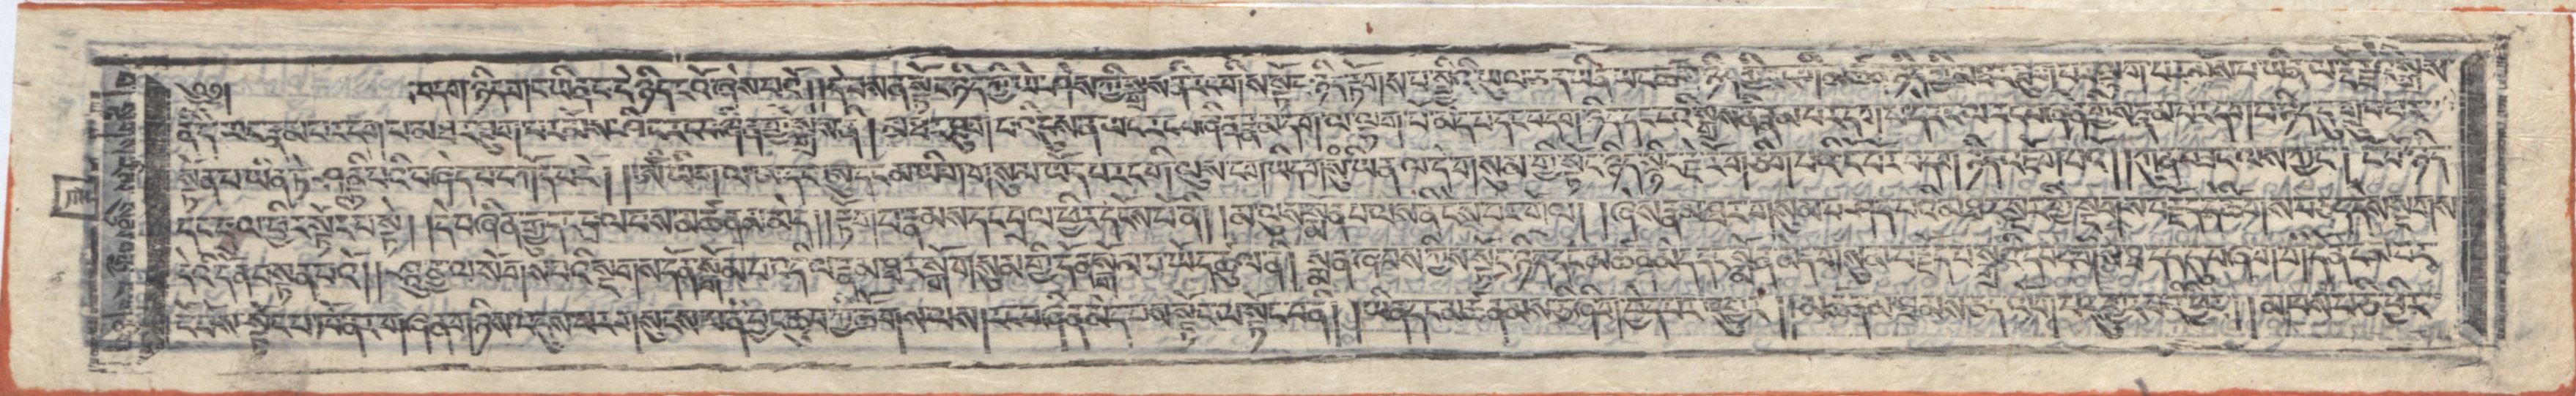༄༅། །བདག་ཉིད་གང་ཡིན་པ་དེ་ཉིད་ངའོ་ཞེས་པའོ། །དེ་བས་ན་སྟོང་ཉིད་ཀྱི་ཡེ་ཤེས་ཀྱི་སྒྲས་ནི་རང་གིས་སྟོང་ཉིད་རྟོགས་པ་སྤྱིའི་ཡུལ་ཅན་ཡིན་ཡང་ཆོས་ཉིད་ཀྱི་རང་གི་མཚན་ཉིད་ཀྱི་མཐར་ཐུག་པར་ལྷག་པར་མོས་པ་ཡིན་ལ་རྡོ་རྗེའི་སྒྲས་
ནི་དེ་ཡང་རྣམ་པར་དག་པ་མཐར་ཐུག་པར་མོས་ཤིང་རང་བཞིན་གྱི་སྒྲས་ནི། མཐར་ཐུག་པའི་དུས་ན་ཡང་རང་བཞིན་རྣམ་དག་ལ་ལྷག་པོ་མེད་པ་དང་བདག་ཉིད་དང་ངའི་སྒྲས་ནི་རྣམ་པར་དག་པ་དེ་རང་ལ་རང་བཞིན་གྱིས་རྣམ་པར་དག་པ་ཉིད་དུ་གྲུབ་པར་
སྟོན་པ་ཡིན་ཏེ་ཤཱནྟི་པའི་བཞེད་པ་བཀོད་པའོ། །ཨོཾ་ཡིག་ལ་ཨ་དང་ཨུ་དང་མ་ཡིག་གསུམ་ཡོད་པ་རང་གི་ལུས་ངག་ཡིད་གསུཾ་ཡིན་ལ་དེ་གསུམ་གྱི་སྟོང་ཉིད་སྙིང་རྗེ་རོ་གཅིག་པའི་ངོ་བོར་བདག་ཉིད་འཇོག་པའོ། །ཀུན་བཟང་ལས་ཀྱང་། ངོ་བོ་ཉིད་
དང་བྲལ་ཕྱིར་སྟོང་པ་སྟེ། །དེ་བཞིན་རྒྱུ་དང་བྲལ་བས་མཚན་མ་མེད། །རྟོག་པ་རྣམས་དང་བྲལ་ཕྱིར་དངོས་པོ་ནི། །མ་ལུས་སྨོན་པ་ལས་ནི་ངེས་པར་གྲོལ། །ཞེས་རྣམ་ཐར་གསུམ་བཤད་པའི་མཐར་སྔར་གྱི་སྔགས་བརྗོད་དེ་ཚིགས་བཅད་དེས་སྔགས་
དེའི་དོན་བསྟན་པའོ། །ཤཱུ་ནྱ་ལ་སོགས་པའི་སྔགས་དོན་སྒོམ་པ་འདི་ལ་རྣམ་ཐར་སྒོ་གསུམ་གྱི་དོན་སྒོམ་པ་ཡོད་ཚུལ་ནི། སྨན་ཞབས་ཀྱིས་སྟོང་ཉིད་དང་མཚན་མེད་དང་སྨོན་མེད་གསུམ་བརྗོད་པ་སྒྲའི་དབང་གིས་ཐ་དད་དུ་བཞག་གི་དོན་དམ་པར་
ངོ་བོས་སྟོང་པ་ཁོ་ནར་གཞན་གཉིས་འདུས་པར་གསུངས་པ་ནི་བྱང་ཆུབ་ཀྱི་ཚོགས་ལས། རང་བཞིན་མེད་པས་སྟོང་ལ་སྟོང་པ་ནི། །ཡིན་དང་མཚན་མས་ཅི་ཞིག་བྱེད་པར་འགྱུར། །མཚན་མ་ཐམས་ཅད་ལོག་པར་གྱུར་པའི་ཕྱིར། །མཁས་པ་ཅི་ཕྱིར་